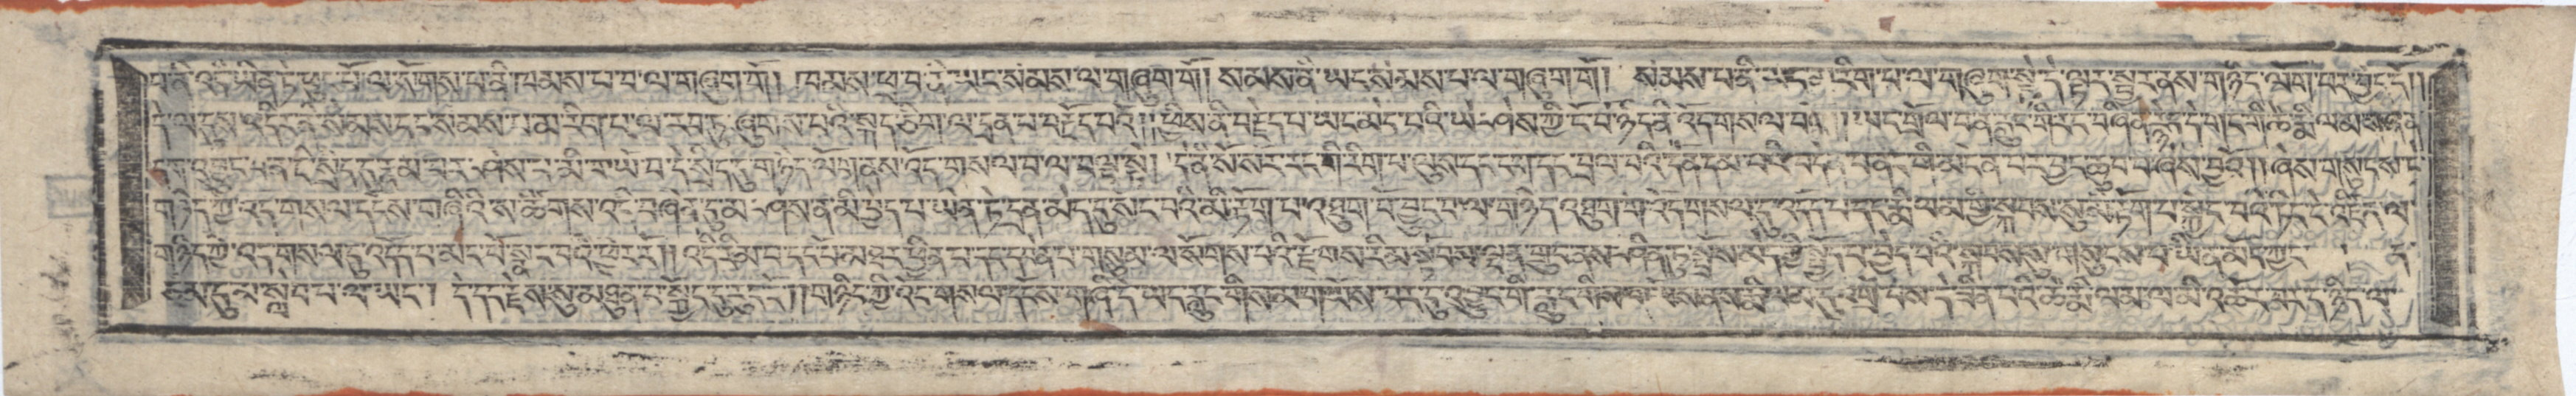པ་ནི་འདི་ཡིན་ཏེ་ཕུང་པོ་ལ་སོགས་པ་ནི་ཁམས་ཕྲ་བ་ལ་གཞུག་གོ། ཁམས་ཕྲ་བ་ནི་ཡང་སེམས་ལ་གཞུག་གོ །སེམས་ནི་ཡང་སེམས་པ་ལ་གཞུག་གོ། སེམས་པ་ནི་ཡང་མ་རིག་པ་ལ་གཞུག་སྟེ་དེ་ལྟར་སྦྱར་ནས་གཉིད་ལོག་པར་བྱེད་དོ། །
དེ་ལ་དུས་འདིར་ནི་སེམས་དང་སེམས་པ་མ་རིག་པ་ལ་རབ་ཏུ་ཞུགས་པའི་སྐད་ཅིག་ལ་དྲན་པ་བརྗོད་པའོ། །ཕྱིས་ནི་བརྗོད་པ་ཡང་མེད་པའི་ཡེ་ཤེས་ཀྱི་ངོ་བོ་ཉིད་ནི་འོད་གསལ་པའོ། །ཡང་གྲོལ་བ་ན་རླུང་གི་རང་བཞིན་རྙེད་དེ་གང་གི་ཚེ་རྨི་ལམ་གཞན་
དག་འབྱུང་བ་ན་ཇི་སྲིད་དུ་རྣམ་པར་ཤེས་པ་མི་གཡོ་བ་དེ་སྲིད་དུ་གཉིད་ལོག་ནས་འོད་གསལ་བ་ལ་བལྟ་སྟེ། དེ་ནི་སོ་སོར་རང་གི་རིག་པ་ལུས་དང་ངག་དང་བྲལ་བའི་དོན་དམ་པའི་བདེན་པ་ནང་གི་མངོན་པར་བྱང་ཆུབ་པ་ཞེས་བྱའོ། །ཞེས་གསུངས་ཏེ་
གཉིད་ཀྱི་འོད་གསལ་དངོས་གཞིའི་ས་ཚོགས་འདི་བཞིན་དུ་མ་ཤེས་ན་མི་བྱེད་པ་ཡིན་ཏེ་དྲན་མེད་དུ་སོང་བའི་མི་རྟོག་པ་འཐུག་པོ་བྱུང་བ་ལ་གཉིད་འཐུག་གི་འོད་གསལ་དུ་འདོད་པ་དང་རྨི་ལམ་གྱི་སྐབས་སུ་མི་རྟོག་པ་སྐྱོང་བའི་ཏིང་ངེ་འཛིན་ལ་
གཉིད་ཀྱི་འོད་གསལ་དུ་འདོད་པ་མང་པོ་སྣང་བའི་ཕྱིར་རོ། །འདི་རིམ་པ་དང་པོ་མཐར་ཕྱིན་པ་དང་དབེན་པ་གསུམ་ལ་སོགས་པའི་རྫོགས་རིམ་སྟོབས་ལྡན་གྲུབ་ནས་ཤིན་ཏུ་སྤྲོས་མེད་ཀྱི་སྤྱོད་པ་བྱེད་པའི་སྐབས་སུ་གསུངས་པ་ཡིན་མོད་ཀྱང་། དེ་
ཙམ་དུ་མ་སླེབ་པ་ལ་ཡང་། དེ་དང་རྗེས་སུ་མཐུན་པ་སྐྱོང་དུ་རུང་ངོ། །གཉིད་ཀྱི་འོད་གསལ་དངོས་གཞི་དེ་ཡང་རླུང་གིས་མ་གཡོས་བར་དུ་འབྱུང་གི་རླུང་གིས་གཡོས་ནས་རྨི་ལམ་དུ་འགྲོ་བས་དེ་ཟིན་པའི་ཚེ་རྨི་ལམ་ལ་མི་འཚོར་བར་ད་ཉིད་ལ་